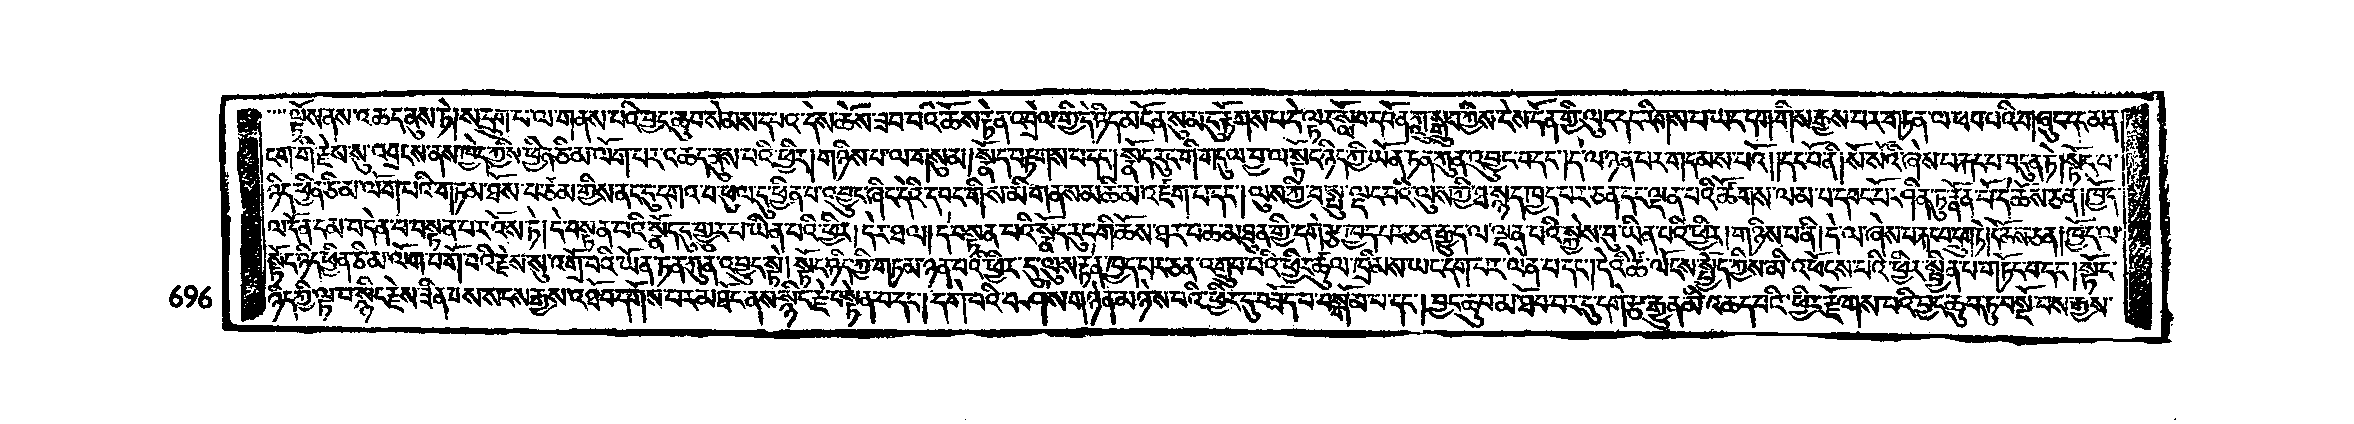ལྟོས་ནས་འཆད་ནུས་ཏེ། ས་དྲུག་པ་ལ་གནས་པའི་བྱང་ཆུབ་སེམས་དཔའ་དེས་ཆོས་ཟབ་པའི་ཆོས་རྟེན་འབྲེལ་གྱི་དེ་ཉིད་མངོན་སུམ་དུ་རྟོགས་པ་དེ་ལྟར་སློབ་དཔོན་ཀླུ་སྒྲུབ་ཀྱིས་ངེས་དོན་གྱི་ལུང་དང་རིགས་པ་ཡང་དག་གིས་རྒྱས་པར་གཏན་ལ་ཕབ་པའི་གཞུང་དང་མན་
ངག་གི་རྗེས་སུ་འབྲངས་ནས་ཁྱེད་ཀྱིས་ཕྱིན་ཅི་མ་ལོག་པར་འཆད་ནུས་པའི་ཕྱིར། གཉིས་པ་ལ་གསུམ། སྣོད་བརྟགས་པ་དང་། སྣོད་རུང་གི་གདུལ་བྱ་ལ་སྟོང་ཉིད་ཀྱི་ཡོན་ཏན་ཀུན་འབྱུང་བ་དང་། དེ་ལ་ཉན་པར་གདམས་པའོ། །དང་པོ་ནི། སོ་སོའི་ཞེས་པ་རྐང་པ་བདུན་ཏེ། སྟོང་པ་
ཉིད་ཕྱིན་ཅི་མ་ལོག་པའི་གཏམ་ཐོས་པ་ཙམ་གྱིས་ནང་དུ་དགའ་བ་ཕུལ་དུ་ཕྱིན་པ་འབྱུང་ཞིང་དེའི་དབང་གིས་མི་གནས་མཆི་མ་འཛག་པ་དང་། ལུས་ཀྱི་བ་སྤུ་ལྡང་བའི་ལུས་ཀྱི་ཐ་སྙད་ཁྱད་པར་ཅན་དང་ལྡན་པའི་ཚོགས་ལམ་པ་དབང་པོ་ཤིན་ཏུ་རྣོན་པོ་དེ་ཆོས་ཅན། ཁྱོད་
ལ་དོན་དམ་བདེན་པ་བསྟན་པར་འོས་ཏེ། དེ་བསྟན་པའི་སྣོད་དུ་གྱུར་པ་ཡིན་པའི་ཕྱིར། དེར་ཐལ། དེ་བསྟན་པའི་སྣོད་རུང་གི་ཆོས་ཐར་པ་ཆ་མཐུན་གྱི་དགེ་རྩ་ཁྱད་པར་ཅན་རྒྱུད་ལ་ལྡན་པའི་སྐྱེས་བུ་ཡིན་པའི་ཕྱིར། གཉིས་པ་ནི། དེ་ལ་ཞེས་པ་རྐང་པ་དྲུག་ཏེ། དེ་ཆོས་ཅན། ཁྱོད་ལ་
སྟོང་ཉིད་ཕྱིན་ཅི་མ་ལོག་པ་གོ་བའི་རྗེས་སུ་འགྲོ་བའི་ཡོན་ཏན་ཀུན་འབྱུང་སྟེ། སྟོང་ཉིད་ཀྱི་གཏམ་ཉན་པའི་ཕྱིར་དུ་ལུས་རྟེན་ཁྱད་པར་ཅན་འགྲུབ་པའི་ཕྱིར་ཚུལ་ཁྲིམས་ཡང་དག་པར་ལེན་པ་དང་། དེའི་ཚེ་ལོངས་སྤྱོད་ཀྱིས་མི་འཕོངས་པའི་ཕྱིར་སྦྱིན་པ་གཏོང་བ་དང་། སྟོང་
ཉིད་ཀྱི་ལྟ་བ་སྙིང་རྗེས་ཟིན་པས་སངས་རྒྱས་འཐོབ་དགོས་པར་མཐོང་ནས་སྙིང་རྗེ་བསྟེན་པ་དང་། དགེ་བའི་བཤེས་གཉེན་མཉེས་པའི་ཕྱིར་དུ་བཟོད་པ་བསྒོམ་པ་དང་། བྱང་ཆུབ་མ་ཐོབ་བར་དུ་དགེ་རྩ་རྒྱུན་མི་འཆད་པའི་ཕྱིར་རྫོགས་པའི་བྱང་ཆུབ་ཏུ་བསྔོ་བས་རྒྱས་